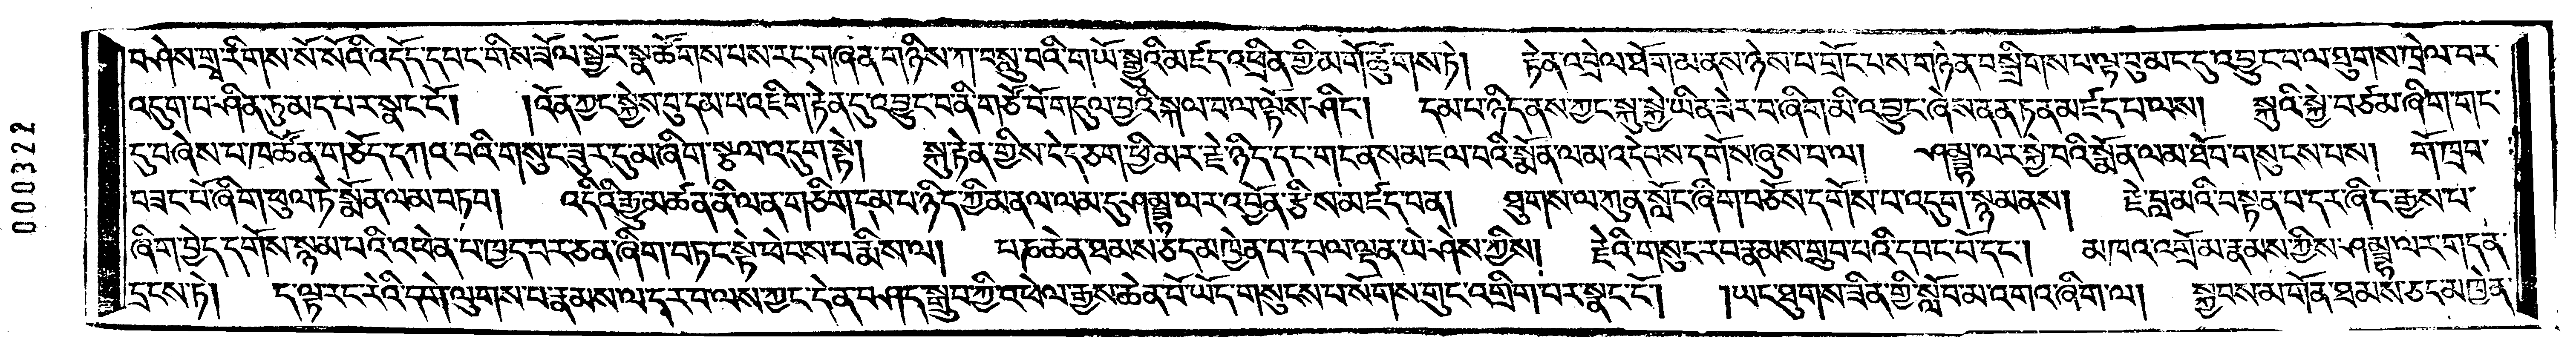བཤེས་གྲྭ་རིགས་སོ་སོའི་འདོད་དབང་གིས་ཟོལ་སྦྱོར་སྣ་ཚོགས་པས་རང་གཞན་གཉིས་ཀ་བསླུ་བའི་གཡོ་སྒྱུའི་མཛད་འཕྲིན་གྱི་མགོ་ཚུགས་ཏེ། རྟེན་འབྲེལ་ཐོག་མ་ནས་ཉེས་པ་གྲོང་པས་གཉེན་བསྒྲིགས་པ་ལྟ་བུ་མང་དུ་འབྱུང་བ་ལ་ཐུགས་ཁྲེལ་བར་
འདུག་པ་ཤིན་ཏུ་མེད་པར་སྣང་ངོ། །འོན་ཀྱང་སྐྱེས་བུ་དམ་པ་འཇིག་རྟེན་དུ་འབྱུང་བ་ནི་གཙོ་བོ་གདུལ་བྱའི་སྐལ་བ་ལ་ལྟོས་ཤིང་། དམ་པ་ཉིད་ནས་ཀྱང་སྐུ་སྐྱེ་ཡིན་ཟེར་བ་ཞིག་མི་འབྱུང་ཞེས་ནན་ཏན་མཛད་པ་ལས། སྐུའི་སྐྱེ་བ་ཙམ་ཞིག་གང་
དུ་བཞེས་པ་ཁ་ཚོན་གཅོད་དཀའ་བའི་གསུང་ཟུར་དུ་མ་ཞིག་སྩལ་འདུག་སྟེ། སྐུ་རྟེན་གྱིས་ངེད་ཅག་ཕྱི་མར་རྗེ་ཉིད་དང་གང་ནས་མཇལ་བའི་སྨོན་ལམ་འདེབས་དགོས་ཞུས་པ་ལ། ཤམྦྷ་ལར་སྐྱེ་བའི་སྨོན་ལམ་ཐོབ་གསུངས་པས། གོ་ཁྲབ་
བཟང་པོ་ཞིག་ཕུལ་ཏེ་སྨོན་ལམ་བཏབ། འདིའི་རྒྱུ་མཚན་ནི་ལན་གཅིག་དམ་པ་ཉིད་ཀྱི་མནལ་ལམ་དུ་ཤམྦྷ་ལར་འབྱོན་རྩིས་མཛད་པ་ན། ཐུགས་ལ་ཀུན་སློང་ཞིག་བཅོས་དགོས་པ་འདུག་སྙམ་ནས། རྗེ་བླ་མའི་བསྟན་པ་དར་ཞིང་རྒྱས་པ་
ཞིག་བྱེད་དགོས་སྙམ་པའི་འཕེན་པ་ཁྱད་བར་ཅན་ཞིག་བཏང་སྟེ་ཕེབས་པ་རྨིས་ལ། པཎ་ཆེན་ཐམས་ཅད་མཁྱེན་པ་དཔལ་ལྡན་ཡེ་ཤེས་ཀྱིས། རྗེའི་གསུང་རབ་རྣམས་གྲུབ་པའི་དབང་པོ་དང་། མཁའ་འགྲོ་མ་རྣམས་ཀྱིས་ཤམྦྷ་ལར་གདན་
དྲངས་ཏེ། ད་ལྟ་རང་རེའི་དགེ་ལུགས་པ་རྣམས་ལ་དར་བ་ལས་ཀྱང་དེ་ན་བཤད་སྒྲུབ་ཀྱི་འཕེལ་རྒྱས་ཆེན་པོ་ཡོད་གསུངས་པ་སོགས་གུང་འགྲིག་པར་སྣང་ངོ། །ཡང་ཐུགས་ཟིན་གྱི་སློབ་མ་འགའ་ཞིག་ལ། སྐྱབས་མགོན་ཐམས་ཅད་མཁྱེན་